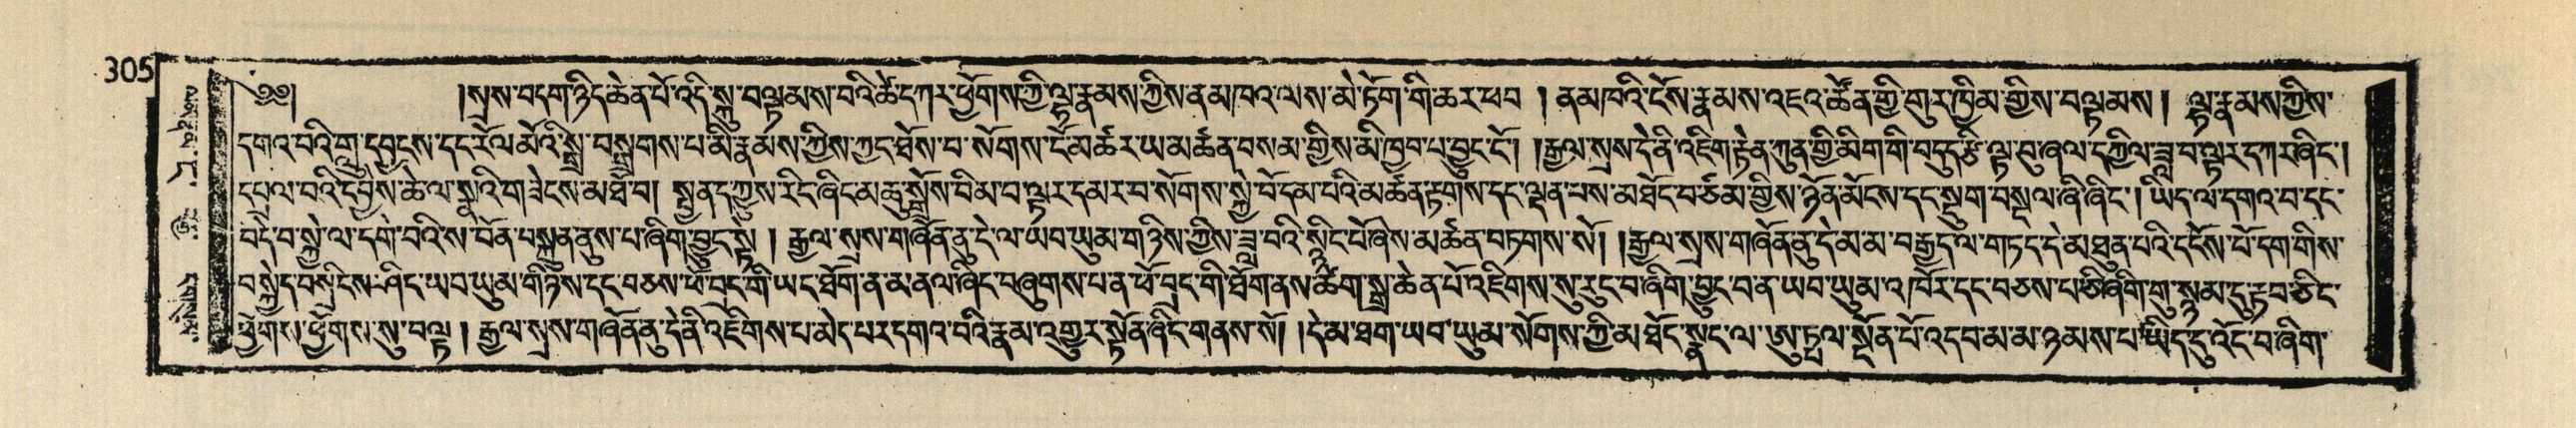༄༅། །སྲས་བདག་ཉིད་ཆེན་པོ་འདི་སྐུ་བལྟམས་བའི་ཚེ་དཀར་ཕྱོགས་ཀྱི་ལྷ་རྣམས་ཀྱིས་ན་མཁའ་ལས་མེ་ཏོག་གི་ཆར་ཕབ་།ན་མཁའི་ངོས་རྣམས་འཇའ་ཚོན་གྱི་གུར་ཁྱིམ་གྱིས་བལྟམས། ལྷ་རྣམས་ཀྱིས་
དགའ་བའི་གླུ་དབྱངས་དང་རོལ་མོའི་སྒྲ་བསྒྲགས་པ་མི་རྣམས་ཀྱིས་ཀྱང་ཐོས་པ་སོགས་ངོ་མཚར་ཡ་མཚན་བསམ་གྱིས་མི་ཁྱབ་པ་བྱུང་ངོ། །རྒྱལ་སྲས་དེ་ནི་འཇིག་རྟེན་ཀུན་གྱི་མིག་གི་བདུད་རྩི་ལྟ་བུ་ཞལ་དཀྱིལ་ཟླ་བ་ལྟར་དཀར་ཞིང་།
དཔྲལ་བའི་དབྱེས་ཆེ་ལ་སྣའི་གཟེངས་མཐོ་བ། སྤྱན་ད་ཀྱུས་རིང་ཞིང་མཆུ་སྒྲོས་བིམ་བ་ལྟར་དམར་བ་སོགས་སྐྱེ་བོ་དམ་པའི་མཚན་རྟགས་དང་ལྡན་པས་མཐོང་བ་ཙམ་གྱིས་ཉོན་མོངས་དང་སྡུག་བསྔལ་ཞི་ཞིང་། ཡིད་ལ་དགའ་བ་དང་
བདེ་བ་སྐྱེ་ལ་དགེ་བའི་ས་བོན་བསྐྲུན་ནུས་པ་ཞིག་བྱུང་སྟེ། རྒྱལ་སྲས་གཞོན་ནུ་དེ་ལ་ཡབ་ཡུམ་གཉིས་ཀྱིས་ཟླ་བའི་སྙིང་པོ་ཞེས་མཚན་བཏགས་སོ། །རྒྱལ་སྲས་གཞོན་ནུ་དེ་མ་མ་བརྒྱད་ལ་གཏད་དེ་མཐུན་པའི་དངོས་པོ་དག་གིས་
བསྐྱེད་བསྲིངས་ཤིང་ཡབ་ཡུམ་གཉིས་དང་བཅས་ཕོ་བྲང་གི་ཡང་ཐོག་ན་མནལ་ཞིང་བཞུགས་པ་ན་ཕོ་བྲང་གི་ཐོག་ནས་ཚེག་སྒྲ་ཆེན་པོ་འཇིགས་སུ་རུང་བ་ཞིག་བྱུང་བ་ན་ཡབ་ཡུམ་འཁོར་དང་བཅས་པ་ཅི་ཞིག་གུ་སྙམ་དུ་རྟབ་ཅིང་
ཕྱོགས་ཕྱོགས་སུ་བལྟ། རྒྱལ་སྲས་གཞོན་ནུ་དེ་ནི་འཇིགས་པ་མེད་པར་དགའ་བའི་རྣམ་འགྱུར་སྟོན་ཞིང་གནས་སོ། །དེ་མ་ཐག་ཡབ་ཡུམ་སོགས་ཀྱི་མཐོང་སྣང་ལ་ཨུ་ཏྤལ་སྔོན་པོ་འདབ་མ་མ་ཉམས་པ་ཡིད་དུ་འོང་བ་ཞིག་